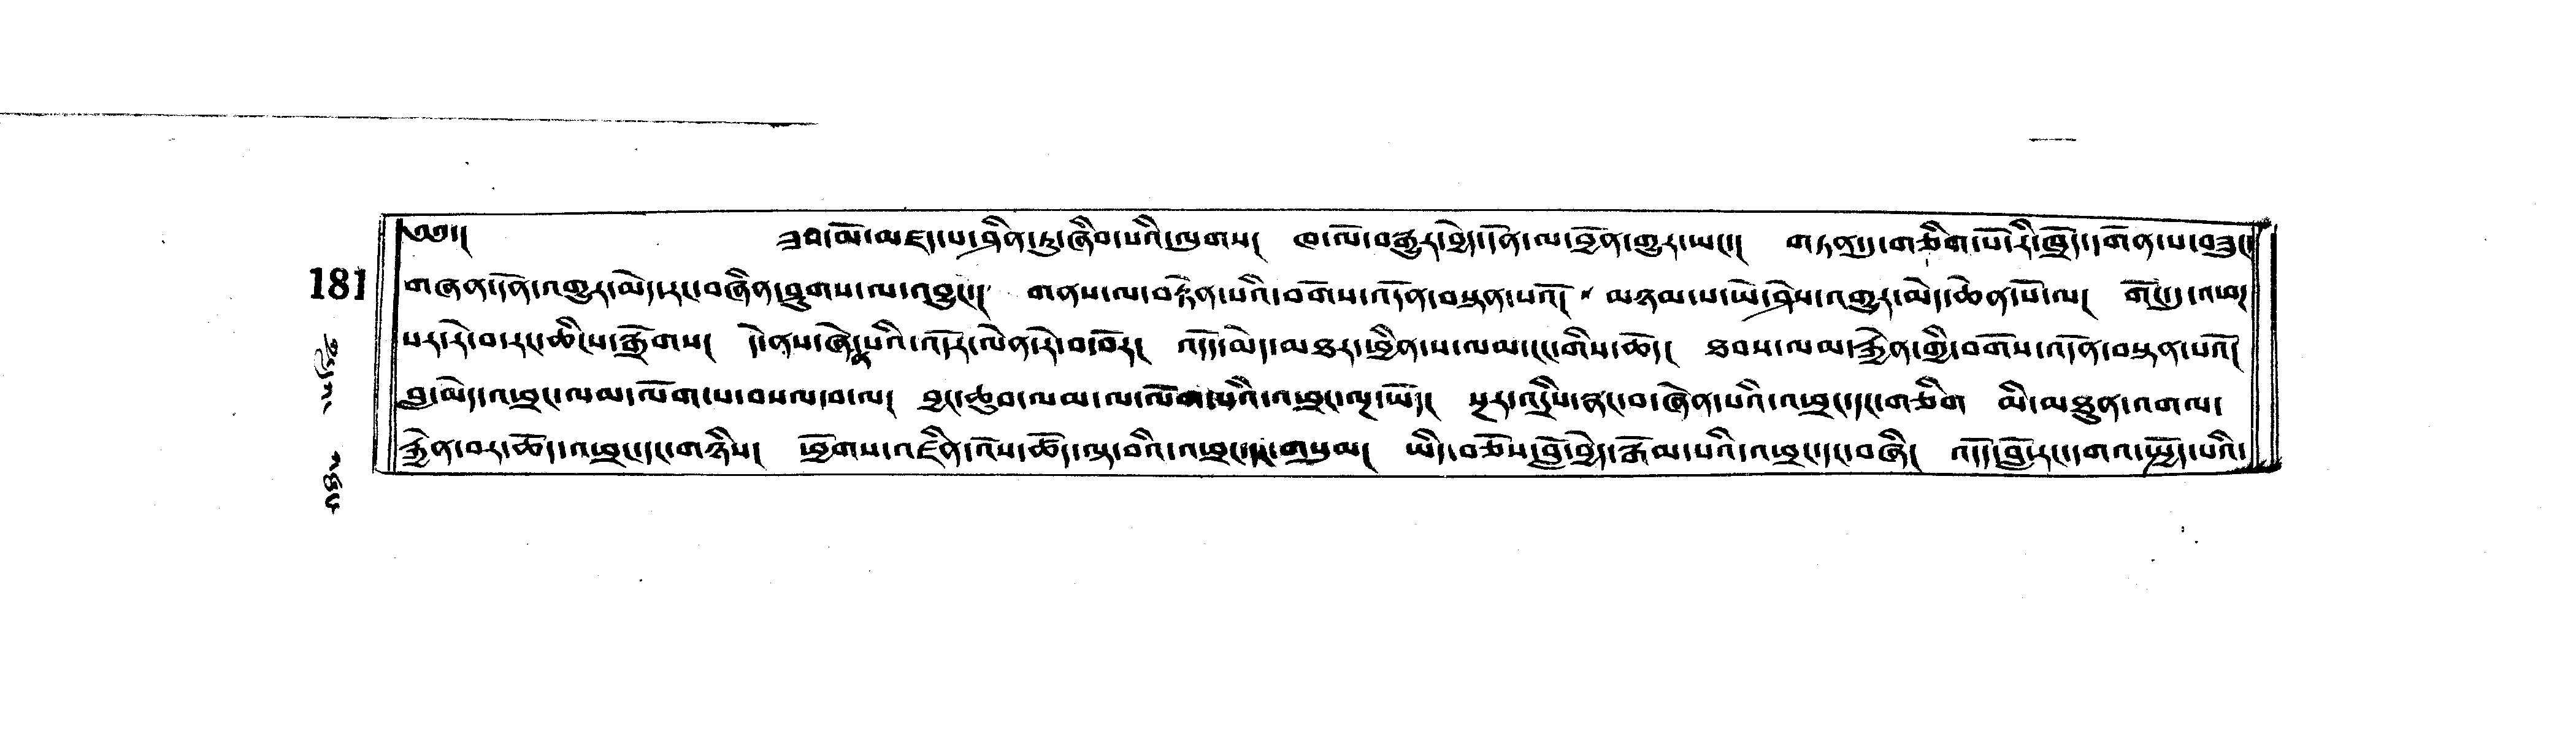ཟབ་མོ་མཛད་པ་ཤིན་ཏུ་ཞིབ་པའི་ལུགས། ཁ་ལོ་སྒྱུར་བྱེད་དོན་ལ་བྱོན་གྱུར་ཡང་། གཏན་དུ་གཅིག་པོ་རི་ཁྲོད་དགོན་པ་བཟུང་། 
གཞན་དོན་འགྱུར་མེད་རང་བཞིན་ཤུགས་ལ་འབྱུང་། གནས་ལ་བརྟེན་པའི་བོགས་འདོན་བསྟན་པའོ། ༧ མཉམ་པ་ཡེ་ཤེས་འགྱུར་མེད་ཆེན་པོ་ལ། གོང་དུ་འཕགས་
པར་རེ་བ་རང་འཆིང་སྒྲོགས། དེ་ནས་ཞེན་པའི་འདོར་ལེན་རེ་བ་བོར། འདོད་མེད་མཐར་ཕྱིན་ས་ལམ་ངང་གིས་ཆོད། ཐབས་ལམ་རྐྱེན་གྱིས་བོགས་འདོན་བསྟན་པའོ། 
བླ་མེད་འཕྲང་ལམ་ལོག་པ་བསལ་བ་ལ། བྱང་ཆུབ་ལམ་ལ་ལོག་པའི་འཕྲང་ལྔ་ཡོད། སྔར་འདྲིས་སྣང་བ་ཞེན་པའི་འཕྲང་དང་གཅིག མི་མཐུན་འགལ་
རྐྱེན་བར་ཆོད་འཕྲང་དང་གཉིས། ཕྱོགས་འཛིན་འོས་ཚོད་ལྟ་བའི་འཕྲང་དང་གསུམ། ཡིད་བཅོས་བློ་བྱེད་སྒོམ་པའི་འཕྲང་དང་བཞི། འདོད་བློ་རང་དགའ་སྤྱོད་པའི་